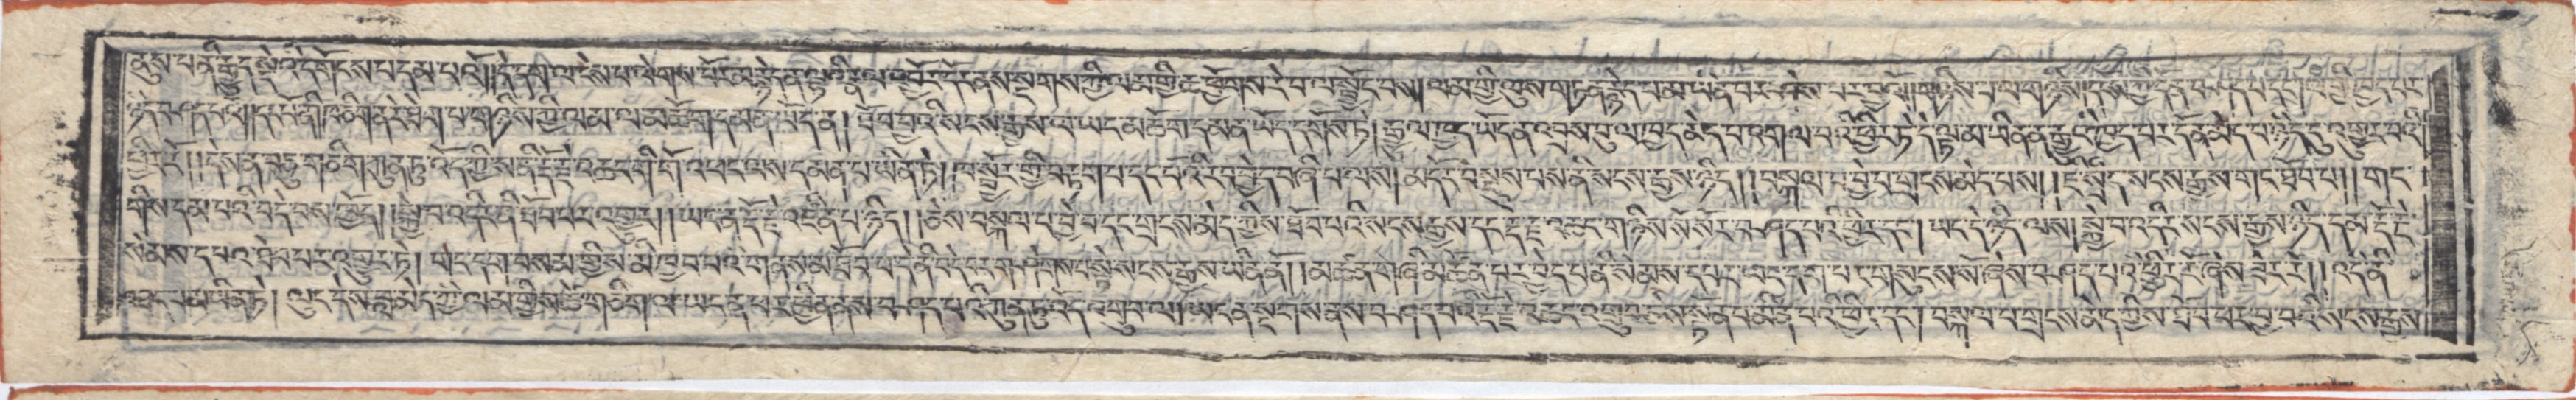ནུས་པ་ནི་རྒྱུད་སྡེའི་དགོངས་པ་དམ་པའོ། །དེ་དག་ལ་ངེས་པ་ལེགས་པོར་མ་རྙེད་ན་ལྷའི་རྣལ་འབྱོར་དོར་ནས་སྔགས་ཀྱི་ལམ་གྱི་ཆ་ཕྱོགས་རེ་བ་ལ་སྦྱོང་བས། ལམ་གྱི་ལུས་གཏན་རྙེད་པ་མ་ཡིན་པར་ཤེས་པར་བྱའོ། །གཉིས་པ་ལ་གཉིས། དངོས་ཀྱི་དོན་བཤད་པ་དང་། ལམ་གྱི་ཁྱད་པར་
ཉིད་བཤད་པའོ། །དང་པོ་ནི། ཁ་ཅིག་ན་རེ་ཐེག་པ་གཉིས་ཀྱི་ལམ་ལ་མཆོག་དམན་ཡོད་ན། ཐོབ་བྱའི་སངས་རྒྱས་ལ་ཡང་མཆོག་དམན་ཡོད་དགོས་ཏེ། རྒྱུ་ལ་ཁྱད་ཡོད་ན་འབྲས་བུ་ལ་ཁྱད་མེད་པ་འགལ་བའི་ཕྱིར་ཏེ་དེ་ལྟ་མ་ཡིན་ན་རྒྱུའི་ཁྱད་པར་དོན་མེད་པ་ཉིད་དུ་འགྱུར་བའི་
ཕྱིར་རོ། །དེས་ན་བཅུ་གཅིག་ཀུན་ཏུ་འོད་ཀྱི་ས་ནི་རྡོ་རྗེ་འཆང་གི་གོ་འཕང་ལས་དམན་པ་ཡིན་ཏེ། ཁ་སྦྱོར་གྱི་བརྟག་པ་དང་པོའི་རབ་བྱེད་བཞི་པ་ལས། མདོར་བསྡུས་པས་ནི་སངས་རྒྱས་ཉིད། །བསྐལ་པ་བྱེ་བ་གྲངས་མེད་པས། །ཇི་སྲིད་སངས་རྒྱས་གང་ཐོབ་པ། །གང་
གིས་དམ་པའི་བདེ་བས་ཁྱོད། །སྐྱེ་བ་འདིར་ནི་ཐོབ་པར་འགྱུར། །ཡང་ན་རྡོ་རྗེ་འཛིན་པ་ཉིད། །ཅེས་བསྐལ་པ་བྱེ་བ་དང་གྲངས་མེད་ཀྱིས་ཐོབ་པའི་སངས་རྒྱས་དང་རྡོ་རྗེ་འཆང་གཉིས་སོ་སོར་བཤད་པའི་ཕྱིར་དང་། ཡང་དེ་ཉིད་ལས། སྐྱེ་བ་འདིར་སངས་རྒྱས་ཉིད་དམ་རྡོ་རྗེ་
སེམས་དཔའ་ཐོབ་པར་འགྱུར་ཏེ། གང་དག་བསམ་གྱིས་མི་ཁྱབ་པའི་གནས་མ་ཐོབ་པ་དེ་ནི་བདེ་བར་གཤེགས་པ་སྟེ་སངས་རྒྱས་ཡིན་ནོ། །མཚན་གཞི་མཚོན་པར་བྱེད་པ་ནི་སེམས་དཔར་ཡང་དག་པར་གསུངས་སོ་ཞེས་བཤད་པའི་ཕྱིར་རོ་ཞེས་ཟེར་རོ། །འདི་ནི་
འཐད་པ་མ་ཡིན་ཏེ། ལུང་དེས་བླ་མེད་ཀྱི་ལམ་གྱིས་ཚེ་གཅིག་ལ་ཡང་ན་ཕར་ཕྱིན་ནས་བཤད་པའི་ཀུན་ཏུ་འོད་འགྲུབ་ལ། ཡང་ན་སྔགས་ནས་བཤད་པའི་རྡོ་རྗེ་འཆང་འགྲུབ་ཅེས་སྟོན་པ་མིན་པའི་ཕྱིར་དང་། བསྐལ་པ་གྲངས་མེད་ཀྱིས་ཐོབ་པར་བྱ་བའི་སངས་རྒྱས་